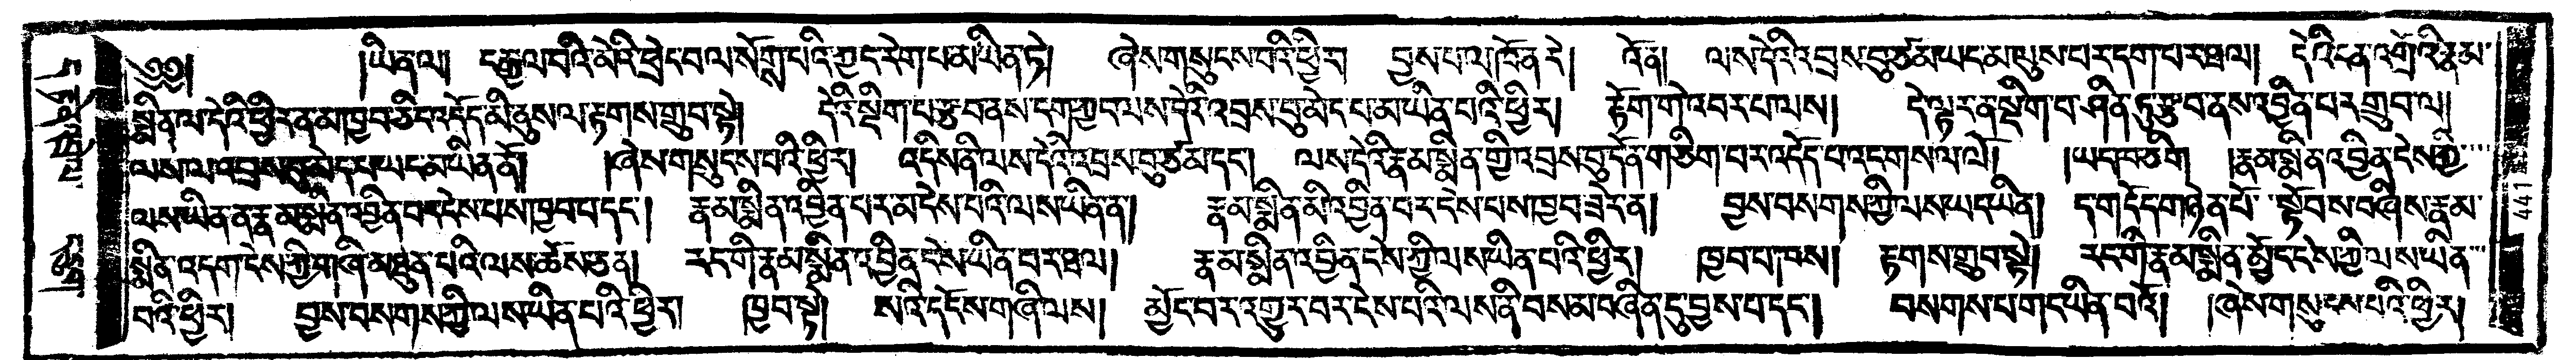༄༅། །ཡིན་ལ། ང་རྒྱལ་བའི་མེའི་ཕྲེང་བ་ལ་སོགས་པའི་ཀྱང་རེག་པ་མ་ཡིན་ཏེ། ཞེས་གསུངས་པའི་ཕྱིར། བྱས་པ་ལ་ཁོ་ན་རེ། འོ་ན། ལས་དེའི་འབྲས་བུ་ཙམ་ཡང་མ་ལུས་པར་དག་པར་ཐལ། དེའི་ངན་འགྲོའི་རྣམ་
སྨིན་ལ་དེའི་ཕྱིར་ན་མ་ཁྱབ་ཅིང་འདོད་མི་ནུས་ལ་རྟགས་གྲུབ་སྟེ། དེའི་སྡིག་པ་རྩ་བ་ནས་དག་ཀྱང་ལས་དེའི་འབྲས་བུ་མེད་པ་མ་ཡིན་པའི་ཕྱིར། རྟོག་གེ་འབར་པ་ལས། དེ་ལྟར་ན་སྡིག་པ་ཤིན་ཏུ་རྩ་བ་ནས་འབྱིན་པར་གྲུབ་ལ།
ལས་ལ་འབྲས་བུ་མེད་པ་ཡང་མ་ཡིན་ནོ། །ཞེས་གསུངས་པའི་ཕྱིར། འདིས་ནི་ལས་དེའི་འབྲས་བུ་ཙམ་དང་། ལས་དེའི་རྣམ་སྨིན་གྱི་འབྲས་བུ་དོན་གཅིག་པར་འདོད་པ་འང་གསལ་ལོ། །ཡང་ཁ་ཅིག །རྣམ་སྨིན་འབྱིན་ངེས་ཀྱི་
ལས་ཡིན་ན་རྣམ་སྨིན་འབྱིན་པར་ངེས་པས་ཁྱབ་པ་དང་། རྣམ་སྨིན་འབྱིན་པར་མ་ངེས་པའི་ལས་ཡིན་ན། རྣམ་སྨིན་མི་འབྱིན་པར་ངེས་པས་ཁྱབ་ཟེར་ན། བྱས་བསགས་ཀྱི་ལས་ཡང་ཡིན། ད་གདོད་གཉེན་པོ་སྟོབས་བཞིས་རྣམ་
སྨིན་འདག་ངེས་ཀྱི་གཞི་མཐུན་པའི་ལས་ཆོས་ཅན། རང་གི་རྣམ་སྨིན་འབྱིན་ངེས་ཡིན་པར་ཐལ། རྣམ་སྨིན་འབྱིན་ངེས་ཀྱི་ལས་ཡིན་པའི་ཕྱིར། ཁྱབ་པ་ཁས། རྟགས་གྲུབ་སྟེ། རང་གི་རྣམ་སྨིན་མྱོང་ངེས་ཀྱི་ལས་ཡིན་
པའི་ཕྱིར། བྱས་བསགས་ཀྱི་ལས་ཡིན་པའི་ཕྱིར། ཁྱབ་སྟེ། སའི་དངོས་གཞི་ལས། མྱོང་བར་འགྱུར་བར་ངེས་པའི་ལས་ནི་བསམ་བཞིན་དུ་བྱས་པ་དང་། བསགས་པ་གང་ཡིན་པའོ། །ཞེས་གསུངས་པའི་ཕྱིར།